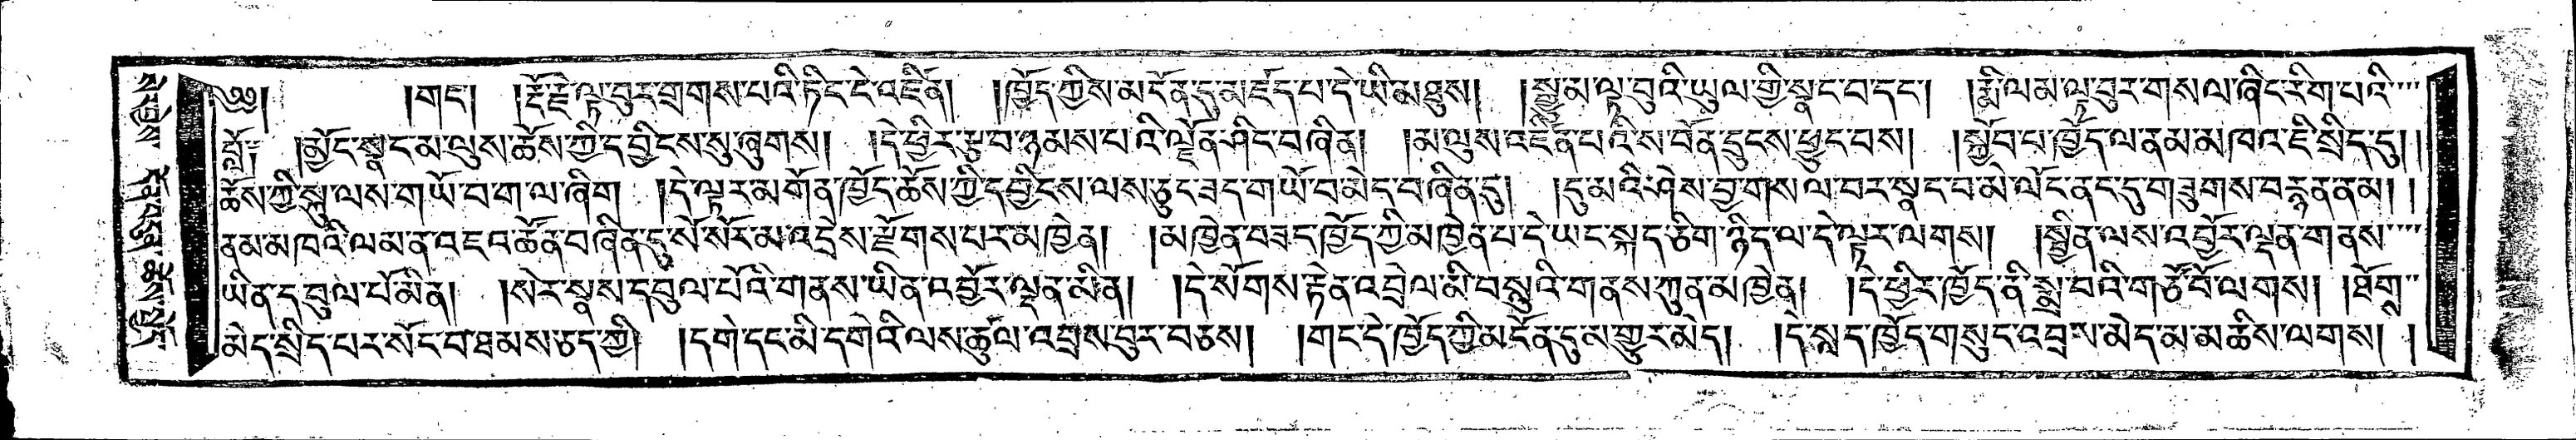༄༅། །གང་། །རྡོ་རྗེ་ལྟ་བུར་གྲགས་པའི་ཏིང་ངེ་འཛིན། །ཁྱོད་ཀྱིས་མངོན་དུ་མཛད་པ་དེ་ཡི་མཐུས། །སྒྱུ་མ་ལྟ་བུའི་ཡུལ་གྱི་སྣང་བ་དང་། །རྨི་ལམ་ལྟ་བུར་གསལ་ཞིང་རིག་པའི་
བློ༑ །མྱོང་སྣང་མ་ལུས་ཆོས་ཀྱི་དབྱིངས་སུ་ཞུགས། །དེ་ཕྱིར་རྩ་བ་ཉམས་པའི་ལྗོན་ཤིང་བཞིན། །མ་ལུས་འཛིན་པའི་ས་བོན་དྲུངས་ཕྱུང་བས། །སྐྱོབ་པ་ཁྱོད་ལ་ནམ་མཁའ་ཇི་སྲིད་དུ། །
ཆོས་ཀྱི་སྐུ་ལས་གཡོ་བ་ག་ལ་ཞིག །དེ་ལྟར་མགོན་ཁྱོད་ཆོས་ཀྱི་དབྱིངས་ལས་ཅུང་ཟད་གཡོ་བ་མེད་བཞིན་དུ། །དུ་མའི་ཤེས་བྱ་གསལ་བར་སྣང་བ་མེ་ལོང་ནང་དུ་གཟུགས་བརྙན་ནམ། །
ནམ་མཁའི་ལམ་ན་འཇའ་ཚོན་བཞིན་དུ་སོ་སོར་མ་འདྲེས་རྫོགས་པར་མཁྱེན། །མཁྱེན་བཟང་ཁྱོད་ཀྱི་མཁྱེན་པ་དེ་ཡང་སྐད་ཅིག་ཉིད་ལ་དེ་ལྟར་ལགས། །སྦྱིན་ལས་འབྱོར་ལྡན་གནས་
ཡིན་དབུལ་པོ་མིན། །སེར་སྣས་དབུལ་པོའི་གནས་ཡིན་འབྱོར་ལྡན་མིན། །དེ་སོགས་རྟེན་འབྲེལ་མི་བསླུའི་གནས་ཀུན་མཁྱེན། །དེ་ཕྱིར་ཁྱོད་ནི་སྨྲ་བའི་གཙོ་བོ་ལགས། །ཐོགས་
མེད་སྲིད་པར་སོང་བ་ཐམས་ཅད་ཀྱི། །དགེ་དང་མི་དགེའི་ལས་ཚུལ་འབྲས་བུར་བཅས། །གང་དེ་ཁྱོད་ཀྱི་མངོན་དུ་མ་གྱུར་མེད། །དེ་སླད་ཁྱོད་གསུང་འབྲས་མེད་མ་མཆིས་ལགས། །